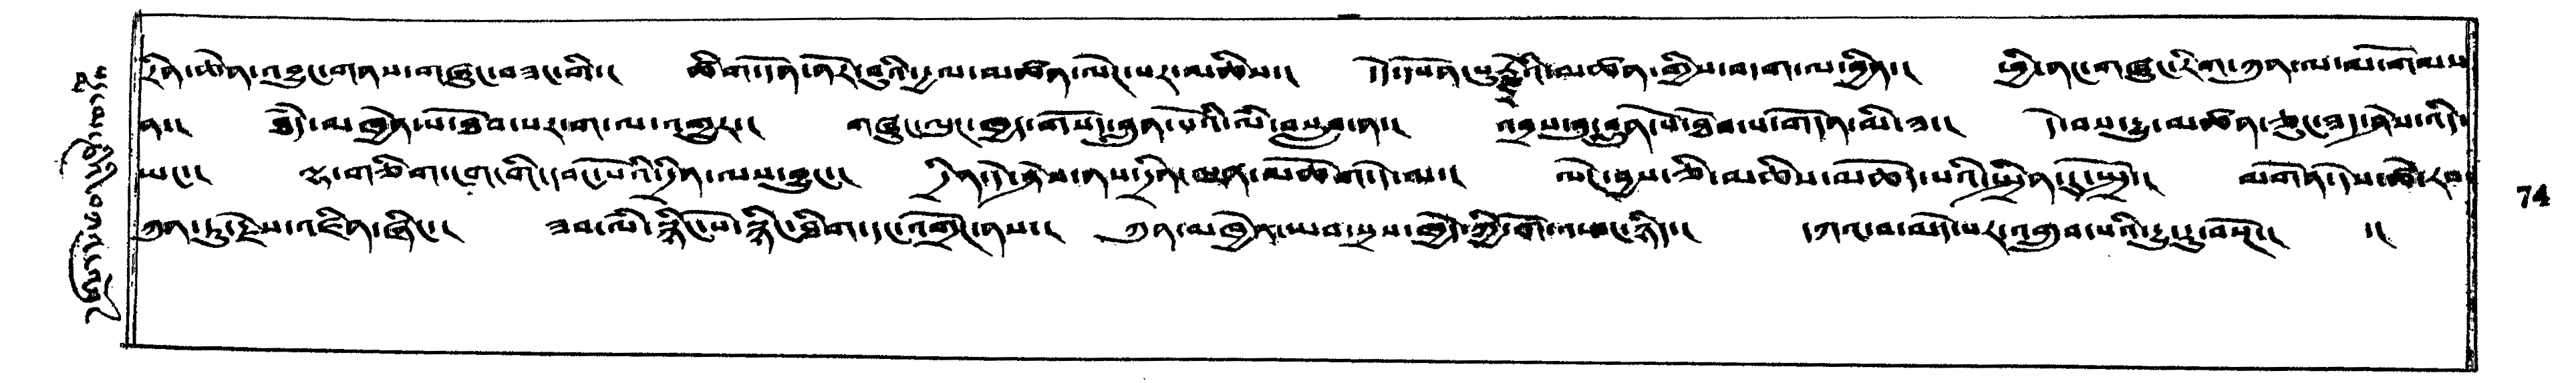རིན་ཆེན་འབྱུང་གནས་གཞུང་བཟང་གི །ཚིག་དོན་ནོར་བུའི་རྒྱལ་མཚན་ལེགས་པར་མཆིས། །དེད་དཔོན་པུརྞཱེའི་མཚན་གྱིས་བདག་ལ་བྱིན། །ཕྱི་ནང་གཞུང་རིག་ཀུན་ལ་མ་གོམས་
ན། །ཐམས་ཅད་མཁྱེན་པ་ཐོབ་པར་ག་ལ་འགྱུར། །གཞུང་ལུགས་ཁྱད་གསོད་བླུན་པོའི་ལམ་བསླབ་ན། །འབྲས་བུ་བླུན་པོ་ཐོབ་པར་གདོན་མི་ཟ། །དེ་བས་རྒྱུ་མཚན་ཅུང་ཟད་ཤེས་འདི་
ཡང་། །ལྷ་གཅིག་ངག་གི་དབང་པོའི་དྲིན་ལས་བྱུང་། །དྲིན་དེ་ཤེས་ནས་དྲིན་ལྡན་མཆོག་དེ་ལ། །ལེགས་བྱས་ཅི་མཆིས་མཆོད་པའི་སྤྲིན་དུ་སྤྲོ། །མགོན་དེས་ཚེ་རབས་
ཀུན་ཏུ་རྗེས་འཛིན་ཞིང་། །ཟབ་ལམ་སྙིང་པོ་སྙིང་ཐིག་དང་འགྲོགས་ནས། །ཀུན་མཁྱེན་ཡབ་སྲས་ཁྱོད་ཀྱི་གོ་འཕང་ཉིད། །དཀའ་བ་མེད་པར་འགྲུབ་པའི་རྒྱུ་རུ་བསྔོ།།དགེའོ།། །།